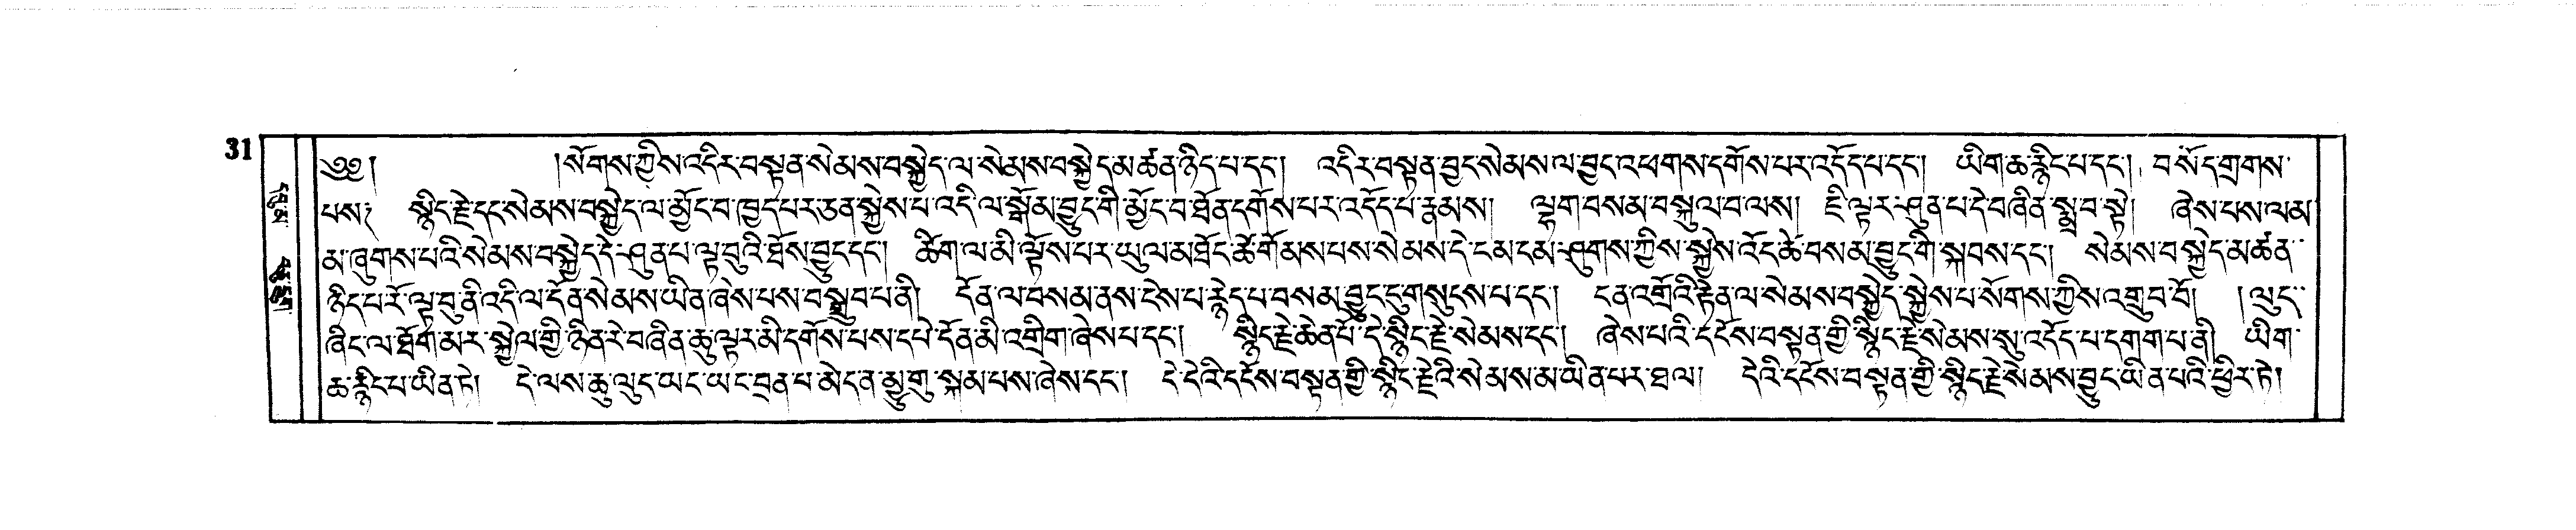༄༅། །སོགས་ཀྱིས་འདིར་བསྟན་སེམས་བསྐྱེད་ལ་སེམས་བསྐྱེད་མཚན་ཉིད་པ་དང་། འདིར་བསྟན་བྱང་སེམས་ལ་བྱང་འཕགས་དགོས་པར་འདོད་པ་དང་། ཡིག་ཆ་རྙིང་པ་དང་། བསོད་གྲགས་
པས༑ སྙིང་རྗེ་དང་སེམས་བསྐྱེད་ལ་མྱོང་བ་ཁྱད་པར་ཅན་སྐྱེས་པ་འདི་ལ་སྒོམ་བྱུང་གི་མྱོང་བ་ཐོན་དགོས་པར་འདོད་པ་རྣམས། ལྷག་བསམ་བསྐུལ་བ་ལས། ཇི་ལྟར་ཤུན་པ་དེ་བཞིན་སྨྲ་བ་སྟེ། ཞེས་པས་ལམ་
མ་ཞུགས་པའི་སེམས་བསྐྱེད་དེ་ཤུན་པ་ལྟ་བུའི་ཐོས་བྱུང་དང་། ཚིག་ལ་མི་ལྟོས་པར་ཡུལ་མཐོང་ཚེ་གོམས་པས་སེམས་དེ་ངམ་ངམ་ཤུགས་ཀྱིས་སྐྱེས་འོང་ཚེ་བསམ་བྱུང་གི་སྐབས་དང་། སེམས་བསྐྱེད་མཚན་
ཉིད་པ་རོ་ལྟ་བུ་ནི་འདི་ལ་དོན་སེམས་ཡིན་ཞེས་པས་བསྒྲུབ་པ་ནི། དོན་ལ་བསམ་ནས་ངེས་པ་རྙེད་པ་བསམ་བྱུང་དུ་གསུངས་པ་དང་། ངན་འགྲོའི་རྟེན་ལ་སེམས་བསྐྱེད་སྐྱེས་པ་སོགས་ཀྱིས་འགྲུབ་བོ། །ལུད་
ཞིང་ལ་ཐོག་མར་སྐྱེལ་གྱི་ཉིན་རེ་བཞིན་ཆུ་ལྟར་མི་དགོས་པས་དཔེ་དོན་མི་འགྲིག་ཞེས་པ་དང་། སྙིང་རྗེ་ཆེན་པོ་དེ་སྙིང་རྗེ་སེམས་དང་། ཞེས་པའི་དངོས་བསྟན་གྱི་སྙིང་རྗེ་སེམས་སུ་འདོད་པ་དགག་པ་ནི། ཡིག་
ཆ་རྙིང་པ་ཡིན་ཏེ། དེ་ལས་ཆུ་ལུད་ཡང་ཡང་བྲན་པ་མེད་ན་མྱུ་གུ་སྐམ་པས་ཞེས་དང་། དེ་དེའི་དངོས་བསྟན་གྱི་སྙིང་རྗེའི་སེམས་མ་ཡིན་པར་ཐལ། དེའི་དངོས་བསྟན་གྱི་སྙིང་རྗེ་སེམས་བྱུང་ཡིན་པའི་ཕྱིར་ཏེ།